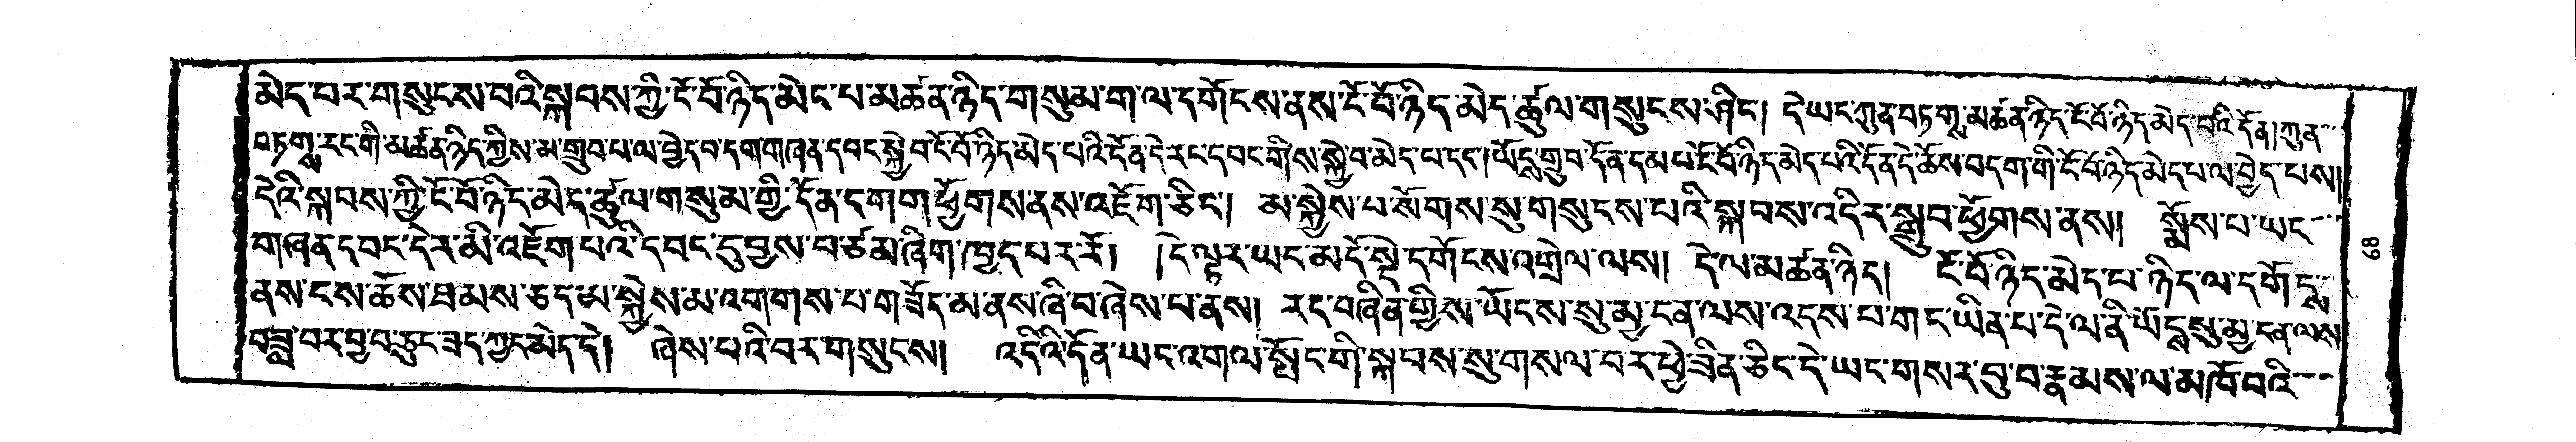མེད་པར་གསུངས་པའི་སྐབས་ཀྱི་ངོ་བོ་ཉིད་མེད་པ་མཚན་ཉིད་གསུམ་ག་ལ་དགོངས་ནས་ངོ་བོ་ཉིད་མེད་ཚུལ་གསུངས་ཤིང་། དེ་ཡང་ཀུན་བཏགས་མཚན་ཉིད་ངོ་བོ་ཉིད་མེད་པའི་དོན། ཀུན་
བཏགས་རང་གི་མཚན་ཉིད་ཀྱིས་མ་གྲུབ་པ་ལ་བྱེད་པ་དག་གཞན་དབང་སྐྱེ་བ་ངོ་བོ་ཉིད་མེད་པའི་དོན་དེ་རང་དབང་གིས་སྐྱེ་བ་མེད་པ་དང་། ཡོངས་གྲུབ་དོན་དམ་པ་ངོ་བོ་ཉིད་མེད་པའི་དོན་དེ་ཆོས་བདག་གི་ངོ་བོ་ཉིད་མེད་པ་ལ་བྱེད་པས།
དེའི་སྐབས་ཀྱི་ངོ་བོ་ཉིད་མེད་ཚུལ་གསུམ་གྱི་དོན་དགག་ཕྱོགས་ནས་འཇོག་ཅིང་། མ་སྐྱེས་པ་སོགས་སུ་གསུངས་པའི་སྐབས་འདིར་སྒྲུབ་ཕྱོགས་ནས། སྨོས་པ་ཡང་
གཞན་དབང་དེར་མི་འཇོག་པའི་དབང་དུ་བྱས་པ་ཙམ་ཞིག་ཁྱད་པར་རོ། །དེ་ལྟར་ཡང་མདོ་སྡེ་དགོངས་འགྲེལ་ལས། དེ་ལ་མཚན་ཉིད། ངོ་བོ་ཉིད་མེད་པ་ཉིད་ལ་དགོངས་
ནས་ངས་ཆོས་ཐམས་ཅད་མ་སྐྱེས་མ་འགགས་པ་གཟོད་མ་ནས་ཞི་བ་ཞེས་པ་ནས། རང་བཞིན་གྱིས་ཡོངས་སུ་མྱ་ངན་ལས་འདས་པ་གང་ཡིན་པ་དེ་ལ་ནི་ཡོངས་སུ་མྱ་ངན་ལས་
བཟླ་བར་བྱ་བ་ཅུང་ཟད་ཀྱང་མེད་དེ། ཞེས་པའི་བར་གསུངས། འདིའི་དོན་ཡང་འགལ་སྤོང་གི་སྐབས་སུ་གསལ་བར་ཕྱེ་ཟིན་ཅིང་དེ་ཡང་གསར་བུ་བ་རྣམས་ལ་མཁོ་བའི་